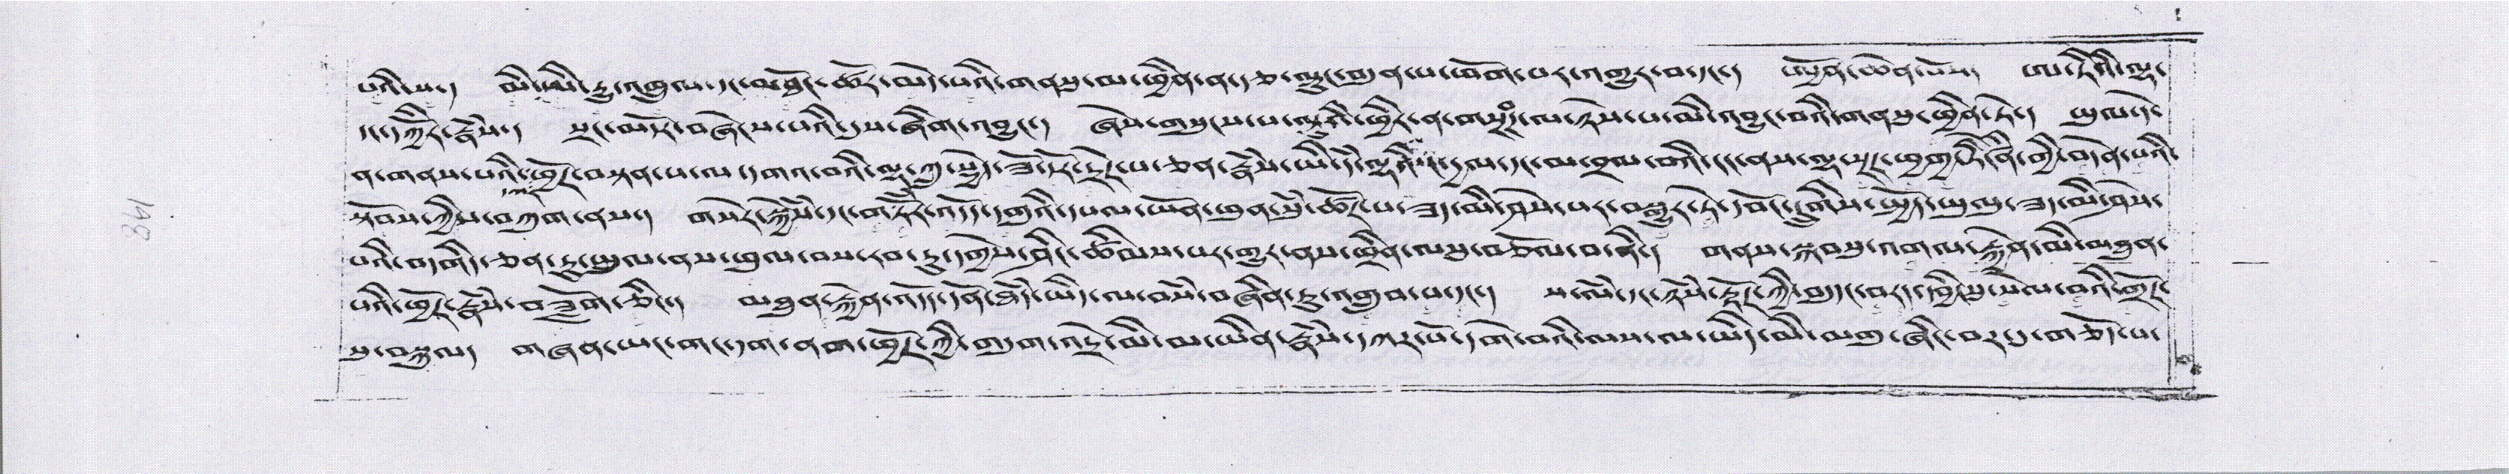པའི་ས། མི་ཡི་རྒྱུ་འགྲུལ་དང་མཐོང་ཚོར་མེད་པའི་གནས་སུ་མ་ཕྱིན་ན་རྩ་ལྟུང་བདུན་པ་ཕོག་པར་འགྱུར་བ་དང་། ཨོ་རྒྱན་ཆེན་པོས། ཨ་ཏིའི་ལྷ་
དང་དཀྱིལ་འཁོར་རྣམས། སྲང་མདོར་བཞེངས་པའི་དུས་ཤིག་འབྱུང་། ཞེས་གསུངས་པ་ལྟ་བུའི་ཕྱིར་ན་གསང་སྔགས་ལ་ཉེས་པ་མི་འབྱུང་བའི་གནས་སུ་ཕྱིན་ཏེ། ཡུལ་དེ་
ན་གནས་པའི་དཀར་ཕྱོགས་བསྟན་པ་ལ་དགའ་བའི་ལྷ་ཀླུ་སྡེ་བརྒྱད་ཟོ་དོར་དྲེགས་པ་ཅན་རྣམས་ཡི་དམ་ལྷ་ཡི་ང་རྒྱལ་དང་མ་བྲལ་བའི་ངང་ནས་ལྷ་སྔགས་ཕྱག་རྒྱ་ཏིང་འཛིན་གྱི་བདེན་པའི་
སྟོབས་ཀྱིས་བཀུག་ནས། གསེར་སྐྱེམས་དང་གཏོར་མ་འདོད་དགུའི་དཔལ་ཡོན་ཕུན་སུམ་ཚོགས་པ་ཟད་མི་ཤེས་པར་བསྒྱུར་ཏེ་དབང་པོ་དྲུག་གི་སྤྱོད་ཡུལ་ཟད་མི་ཤེས་
པའི་བདག་ཉིད་ཅན་དུ་སྤྲུལ་ནས་ཕུལ་བས་རབ་ཏུ་དགྱེས་ཤིང་ཚིམས་པར་གྱུར་ནས་འཕྲིན་ལས་སུ་བཅོལ་བ་ནི། གནས་སྐབས་སུ་འགལ་རྐྱེན་མི་མཐུན་
པའི་ཚོགས་རྣམས་བཟློག་ཅིང་། མཐུན་རྐྱེན་འདོད་དོན་ཐམས་ཅད་ཡིད་ལ་བསམ་བཞིན་དུ་འགྲུབ་པ་དང་། ས་ལམ་དང་ཉམས་རྟོགས་ཀྱི་བདུད་དང་བར་ཆད་དབྱིངས་སུ་སེལ་བའི་གྲོགས་
སུ་བསྐུལ། གཞན་ཡང་གང་དག་ནག་ཕྱོགས་ཀྱི་གདུག་འདྲེ་མི་མ་ཡིན་རྣམས་དཀར་པོ་དགེ་བའི་ལས་ལ་ཡིད་མི་འགུ་ཞིང་བར་དུ་གཅོད་པ་